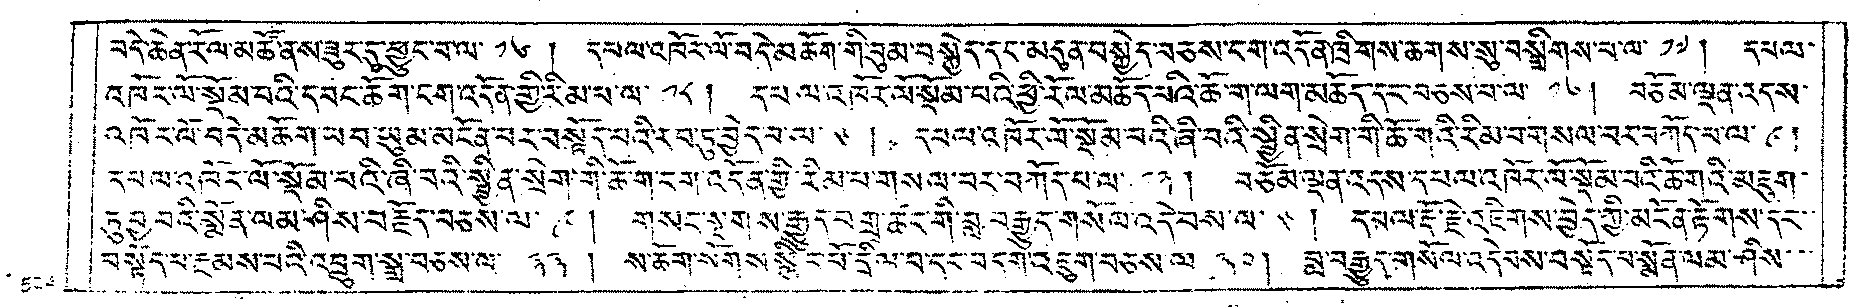བདེ་ཆེན་རོལ་མཚོ་ནས་ཟུར་དུ་ཕྱུང་བ་ལ ༡༦། དཔལ་འཁོར་ལོ་བདེ་མཆོག་གི་བུམ་བསྐྱེད་དང་མདུན་བསྐྱེད་བཅས་ངག་འདོན་ཁྲིགས་ཆགས་སུ་བསྒྲིགས་པ་ལ ༡༧། དཔལ་
འཁོར་ལོ་སྡོམ་པའི་དབང་ཆོག་ངག་འདོན་གྱི་རིམ་པ་ལ ༡༨། དཔལ་འཁོར་ལོ་སྡོམ་པའི་ཕྱི་རོལ་མཆོད་པའི་ཆོ་ག་ལག་མཆོད་དང་བཅས་པ་ལ ༡༦། བཅོམ་ལྡན་འདས་
འཁོར་ལོ་བདེ་མཆོག་ཡབ་ཡུམ་མངོན་པར་བསྟོད་པའི་རབ་ཏུ་བྱེད་པ་ལ ༤། དཔལ་འཁོར་ལོ་སྡོམ་པའི་ཞི་བའི་སྦྱིན་སྲེག་གི་ཆོ་གའི་རིམ་པ་གསལ་བར་བཀོད་པ་ལ ༩།
དཔལ་འཁོར་ལོ་སྡོམ་པའི་ཞི་བའི་སྦྱིན་སྲེག་གི་ཆོ་ག་ངག་འདོན་གྱི་རིམ་པ་གསལ་བར་བཀོད་པ་ལ ༡༢། བཅོམ་ལྡན་འདས་དཔལ་འཁོར་ལོ་སྡོམ་པའི་ཆོ་གའི་མཇུག་
ཏུ་བྱ་བའི་སྨོན་ལམ་ཤིས་བརྗོད་བཅས་ལ ༩། གསང་སྔགས་རྒྱུད་པ་གྲྭ་ཚང་གི་བླ་བརྒྱུད་གསོལ་འདེབས་ལ ༤། དཔལ་རྡོ་རྗེ་འཇིགས་བྱེད་ཀྱི་མངོན་རྟོགས་དང་
བསྟོད་པ་རྔམས་པའི་འབྲུག་སྒྲ་བཅས་ལ ༣༣། ས་ཆོག་སོགས་སྙིང་པོ་དྲིལ་བ་དང་བདག་འཇུག་བཅས་ལ ༣༠། བླ་བརྒྱུད་གསོལ་འདེབས་བསྟོད་པ་སྨོན་ལམ་ཤིས་